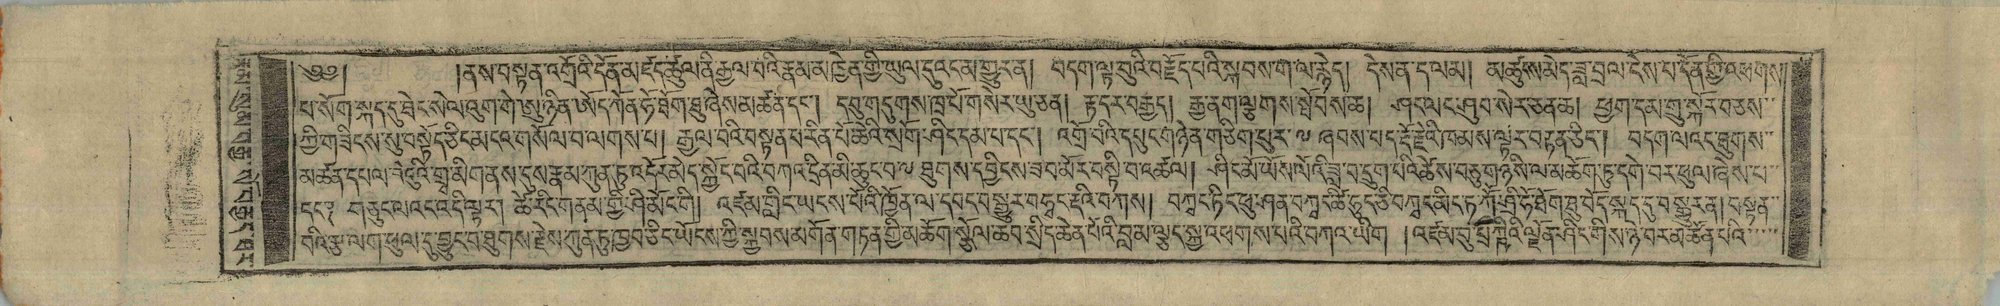༄༅། །ནས་བསྟན་འགྲོའི་དོན་མཛད་ཚུལ་ནི་རྒྱལ་བའི་རྣམ་མཁྱེན་གྱི་ཡུལ་དུའང་མ་གྱུར་ན། བདག་ལྟ་བུའི་བརྗོད་པའི་སྐབས་ག་ལ་རྙེད། དེས་ན་ད་ལམ། མཚུངས་མེད་ཟླ་བྲལ་ངེས་པ་དོན་གྱི་འཕགས་
པ་སོག་སྐད་དུ་ཐེང་སེལ་འུ་གེ་ཨུ་ཉིན་ཨོད་ཀོན་ཧོ་ཐོག་ཐུ་ཞེས་མཚན་དང་། དབུ་གདུགས་ཁྲ་པོ་གསེར་ཡུ་ཅན། རྟ་དར་བརྒྱད། རྒྱ་ནག་ལྕགས་སྤོབས་ཆ། ཤང་ལང་ཤུབ་སེར་ཅན་ཆ། ཕྱག་དམ་གྲུ་སྐོར་བཅས་
ཀྱི་གཟིངས་སུ་བསྟོད་ཅིང་མངའ་གསོལ་བ་ལགས་པ། རྒྱལ་བའི་བསྟན་པ་རིན་པོ་ཆེའི་སྲོག་ཤིང་དམ་པ་དང་། འགྲོ་བའི་དཔུང་གཉེན་གཅིག་པུར་༧ཞབས་པད་རྡོ་རྗེའི་ཁམས་ལྟར་བརྟན་ཅིང་། བདག་ལའང་ཐུགས་
མཚན་དཔལ་བེའུའི་གྲྭ་མིག་ནས་དུས་རྣམ་ཀུན་ཏུ་འདོར་མེད་སྐྱོང་བའི་བཀའ་དྲིན་མི་ཆུང་བ་༧ཐུགས་དབྱིངས་ཟབ་མོར་བསྟི་བ་འཚལ། ཤིང་མོ་ཡོས་ལོའི་ཟླ་བ་དྲུག་པའི་ཚེས་བཅུ་གཉིས་ལ་མཆོག་ཏུ་དགེ་བར་ཕུལ་ཞེས་པ་
དང་། གཅུང་ལའང་འདི་ལྟར། ཚེ་རིང་གནམ་གྱི་ཤི་མོང་གི །འཛམ་གླིང་ཡངས་པོའི་ཁྱོན་ལ་དབང་བསྒྱུར་བྷྭང་རྡའི་བཀས། བཀྭང་ཏིང་ཕུ་ཤན་བཀྭང་ཚི་ཧུང་ཅི་བཀྭང་མིང་ཏ་ཀཽ་ཤྲི་ཧོ་ཐོག་ཐུ་བོད་སྐད་དུ་བསྒྱུར་ན། བསྟན་
བའི་རྩ་ལག་ཕུལ་དུ་བྱུང་བ་ཐུགས་རྗེས་ཀུན་ཏུ་ཁྱབ་ཅིང་ཡོངས་ཀྱི་སྐྱབས་མགོན་གཏན་གྱི་མཆོག་སྩོལ་ཆབ་སྲིད་ཆེན་པོའི་བླ་མ་ལྕང་སྐྱ་འཕགས་པའི་བཀའ་ཡིག །འཛམ་བུ་པྲྀ་ཀྵིའི་ལྗོན་ཤིང་གིས་ཉེ་བར་མཚོན་པའི་